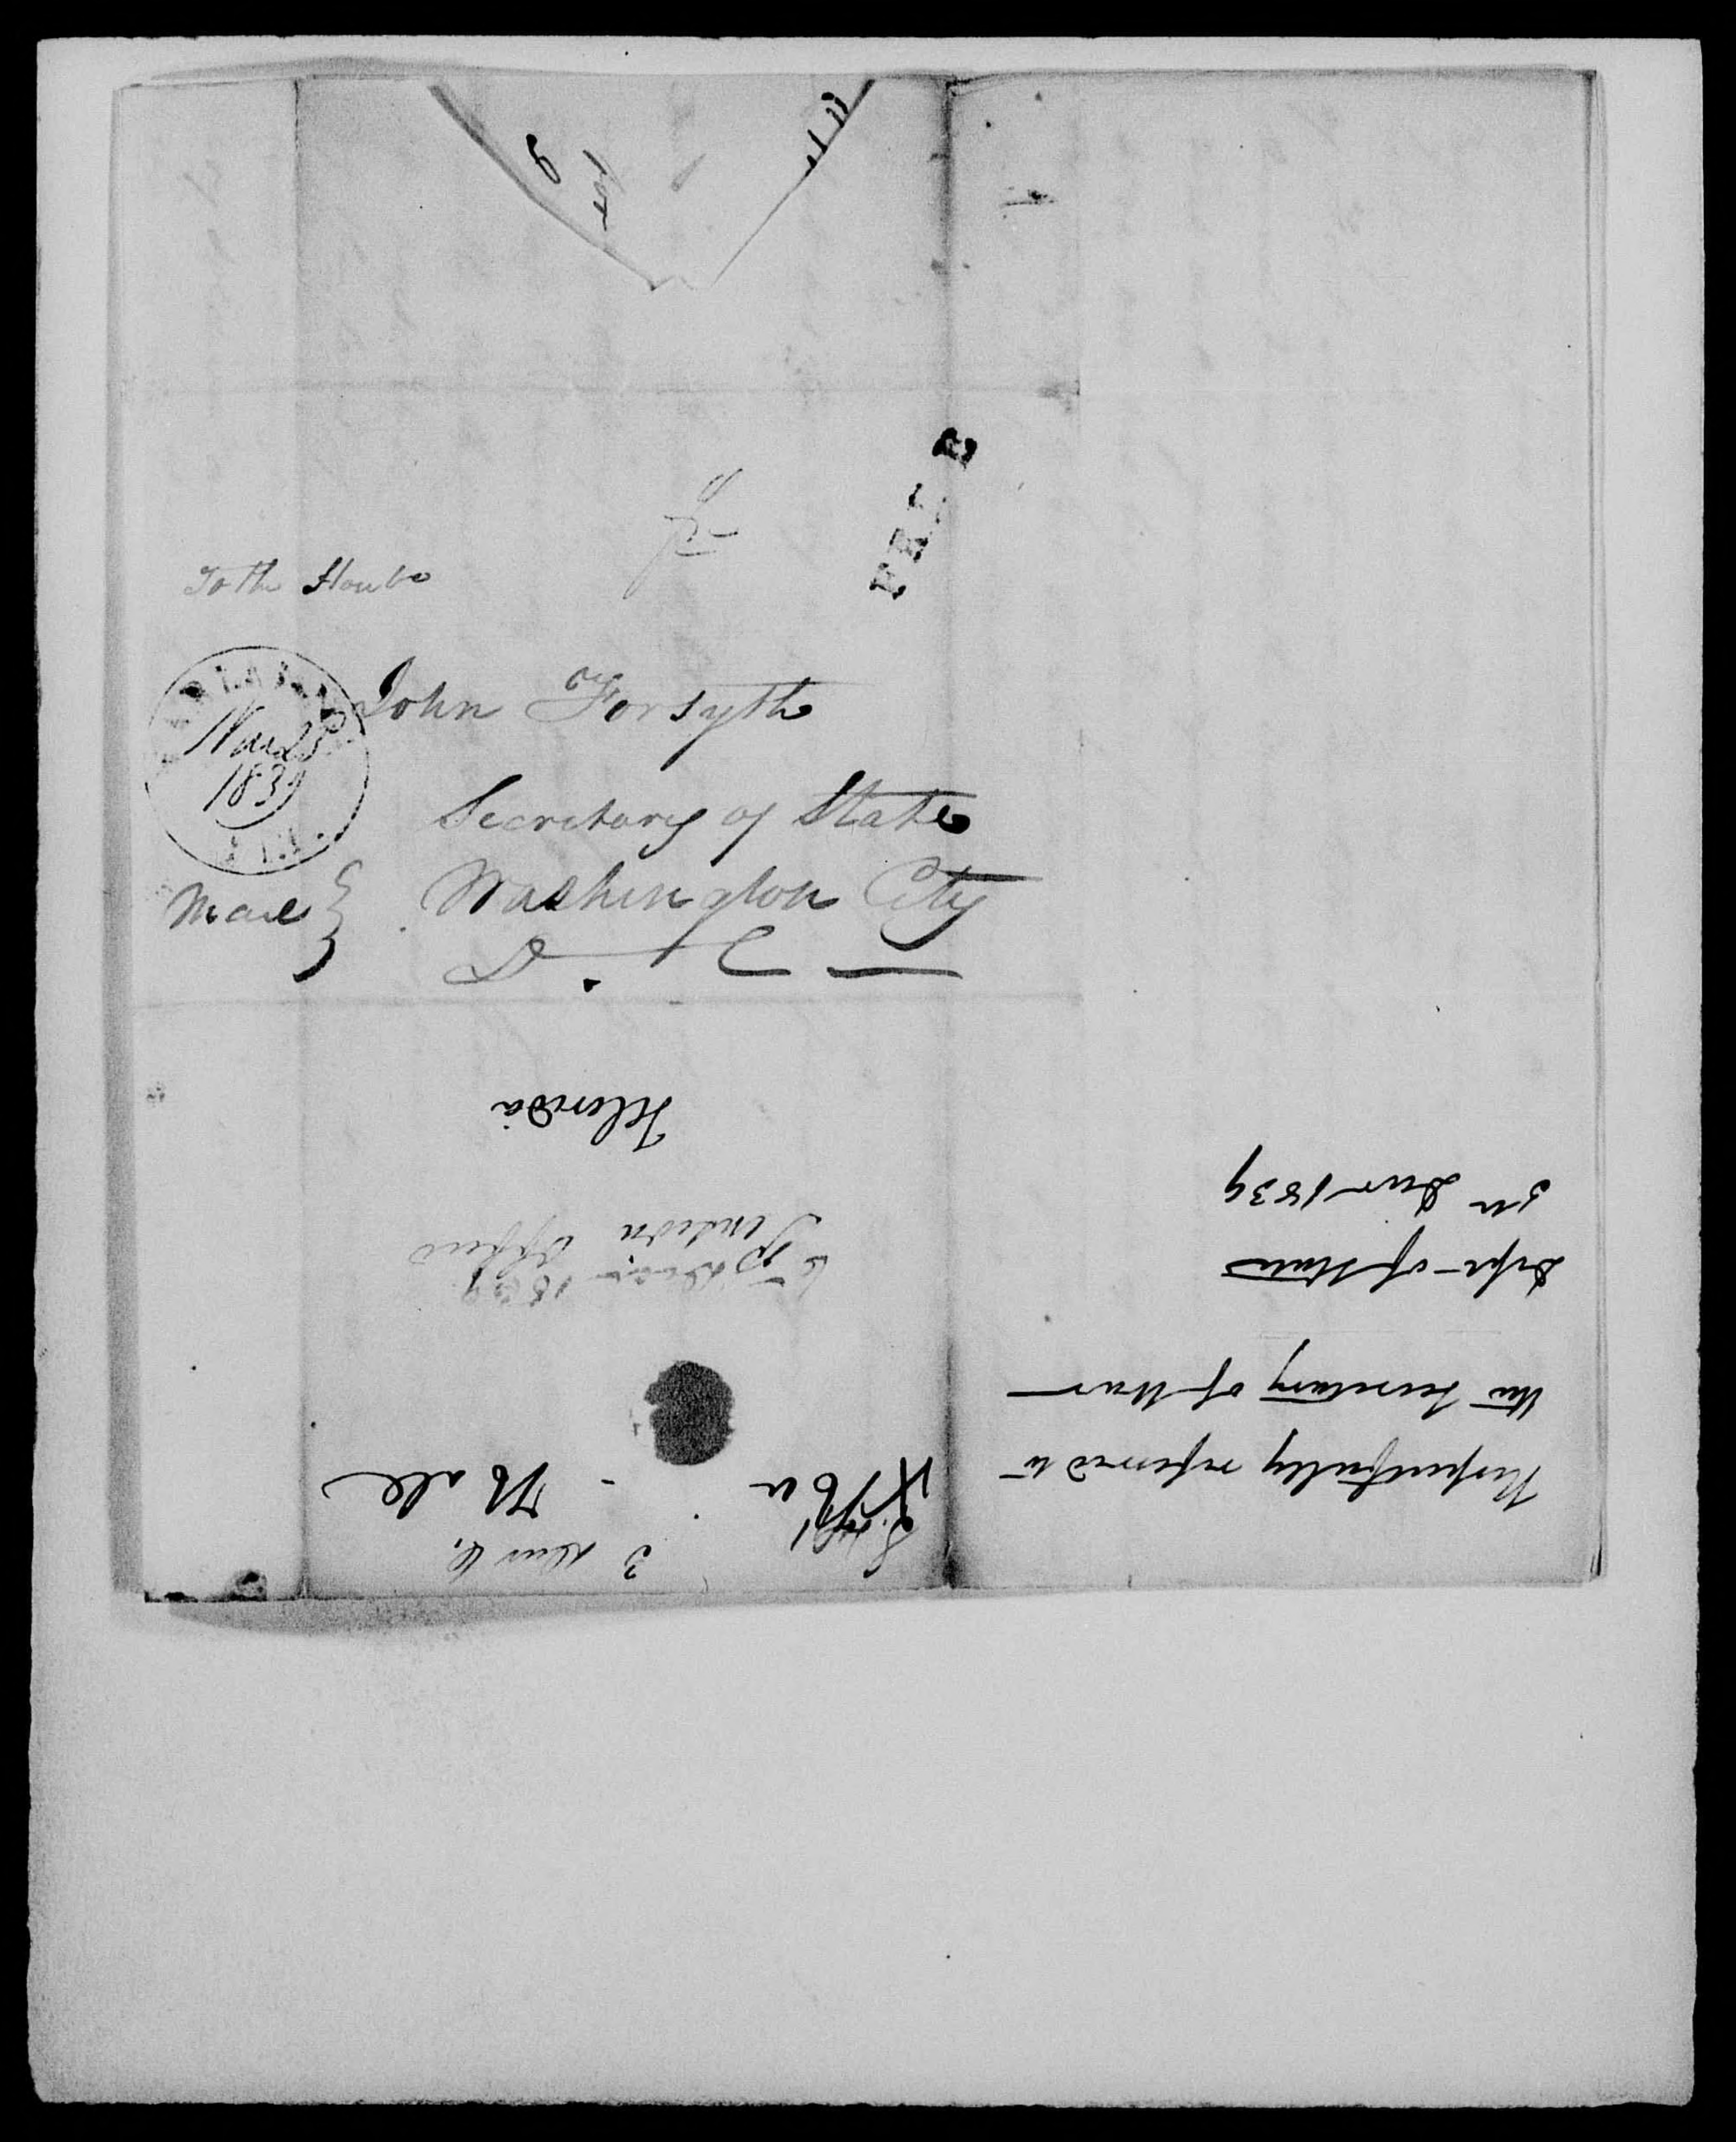Postmarked 1839
To the house
John Forsyth Secretary of State Washington City DC

Respectfully referred to Secretary of War 
Illegible
5th Dec 1839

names: John Forsyth, Hall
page: 7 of 14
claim: rejected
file: R. 4463, Hall Hudson, S.C.